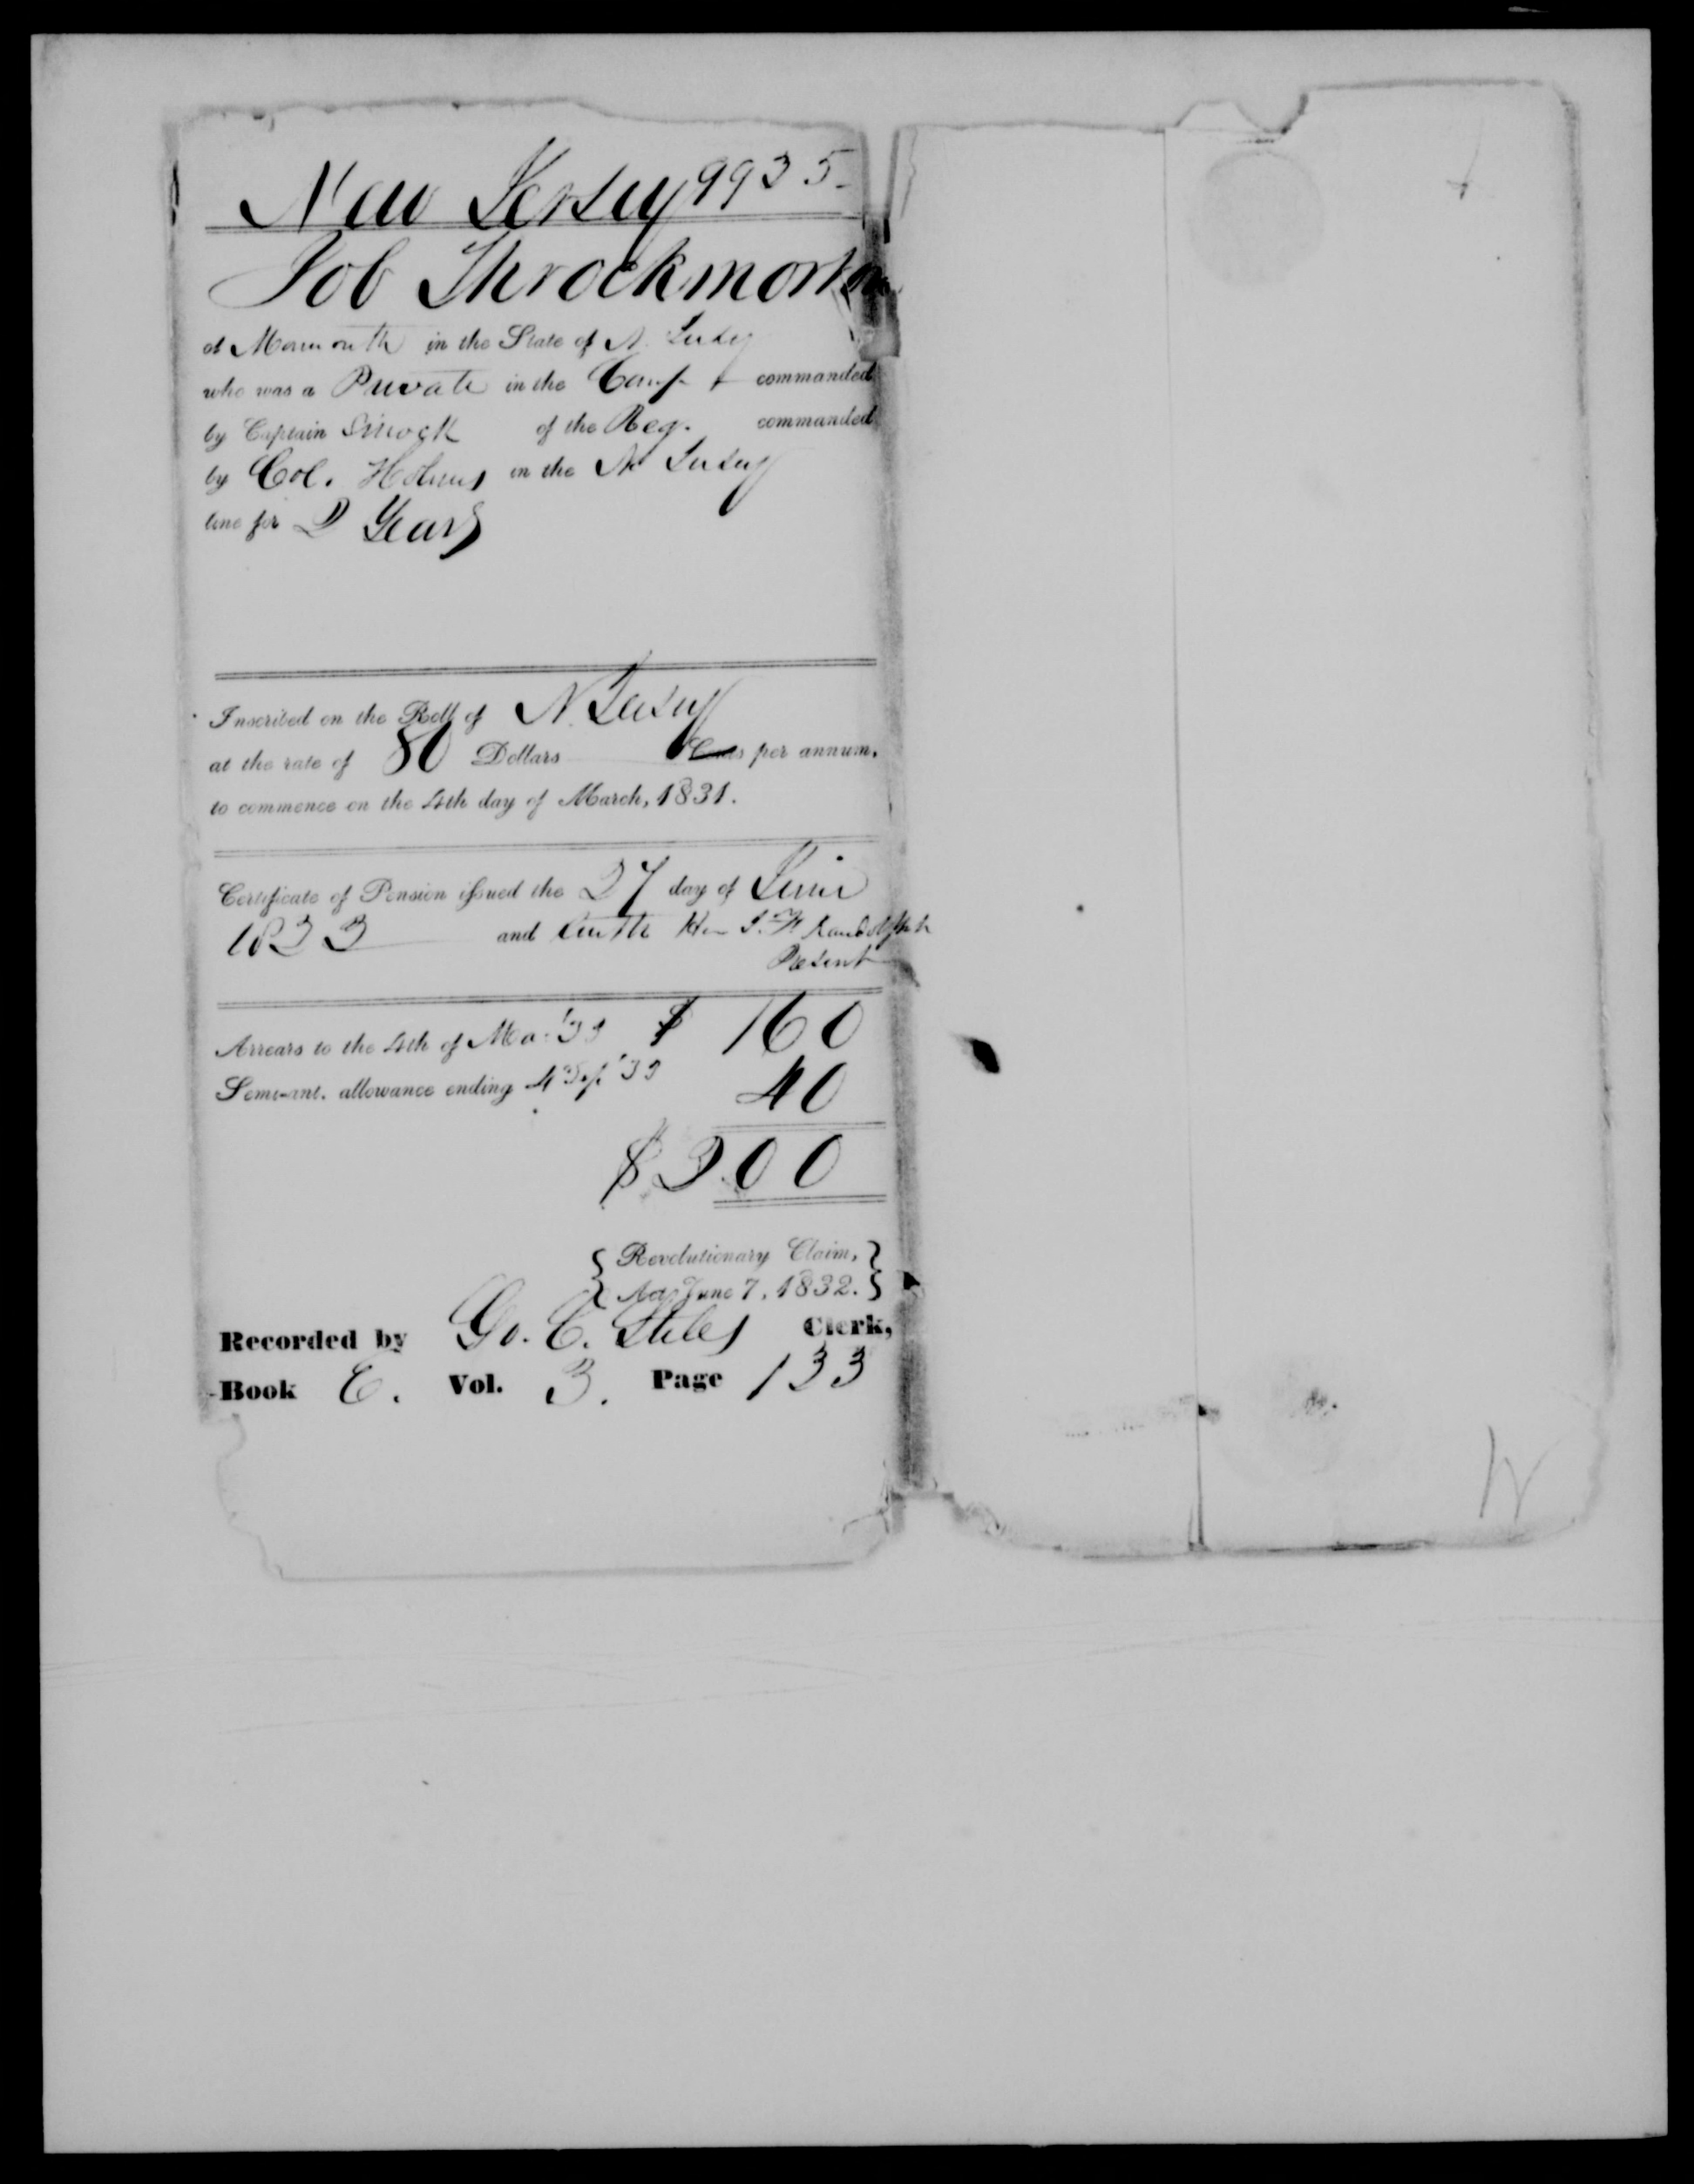New Jersey 9935
Job Throckmorton of Monmouth in the State of N. Jersey who was a Private in the Camp commanded by Captain Smock of the Reg. commanded by Col Holmes in the N. Jersey time for 2 years
Inscribed on the Roll of N Jersey at the rate of 80 Dollars per annum, to commence on the 4th day of March 1831. Certificate of Pension issued the 27th day of June 1833 and [illegible] Her. F Randolph [illegible]
Arrears to the 4th of Mar ’33 $160 Semi-anl allowance ending 4 September ‘ 33 40
[total] $200

Revolutionary Claim, Act of June 7, 1832. Recorded by Go. C. Stiles Clerk Book E. Vol. 3. Page 133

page: 2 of 14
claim: survivor's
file: S. 764, for Job Throckmorton, New Jersey